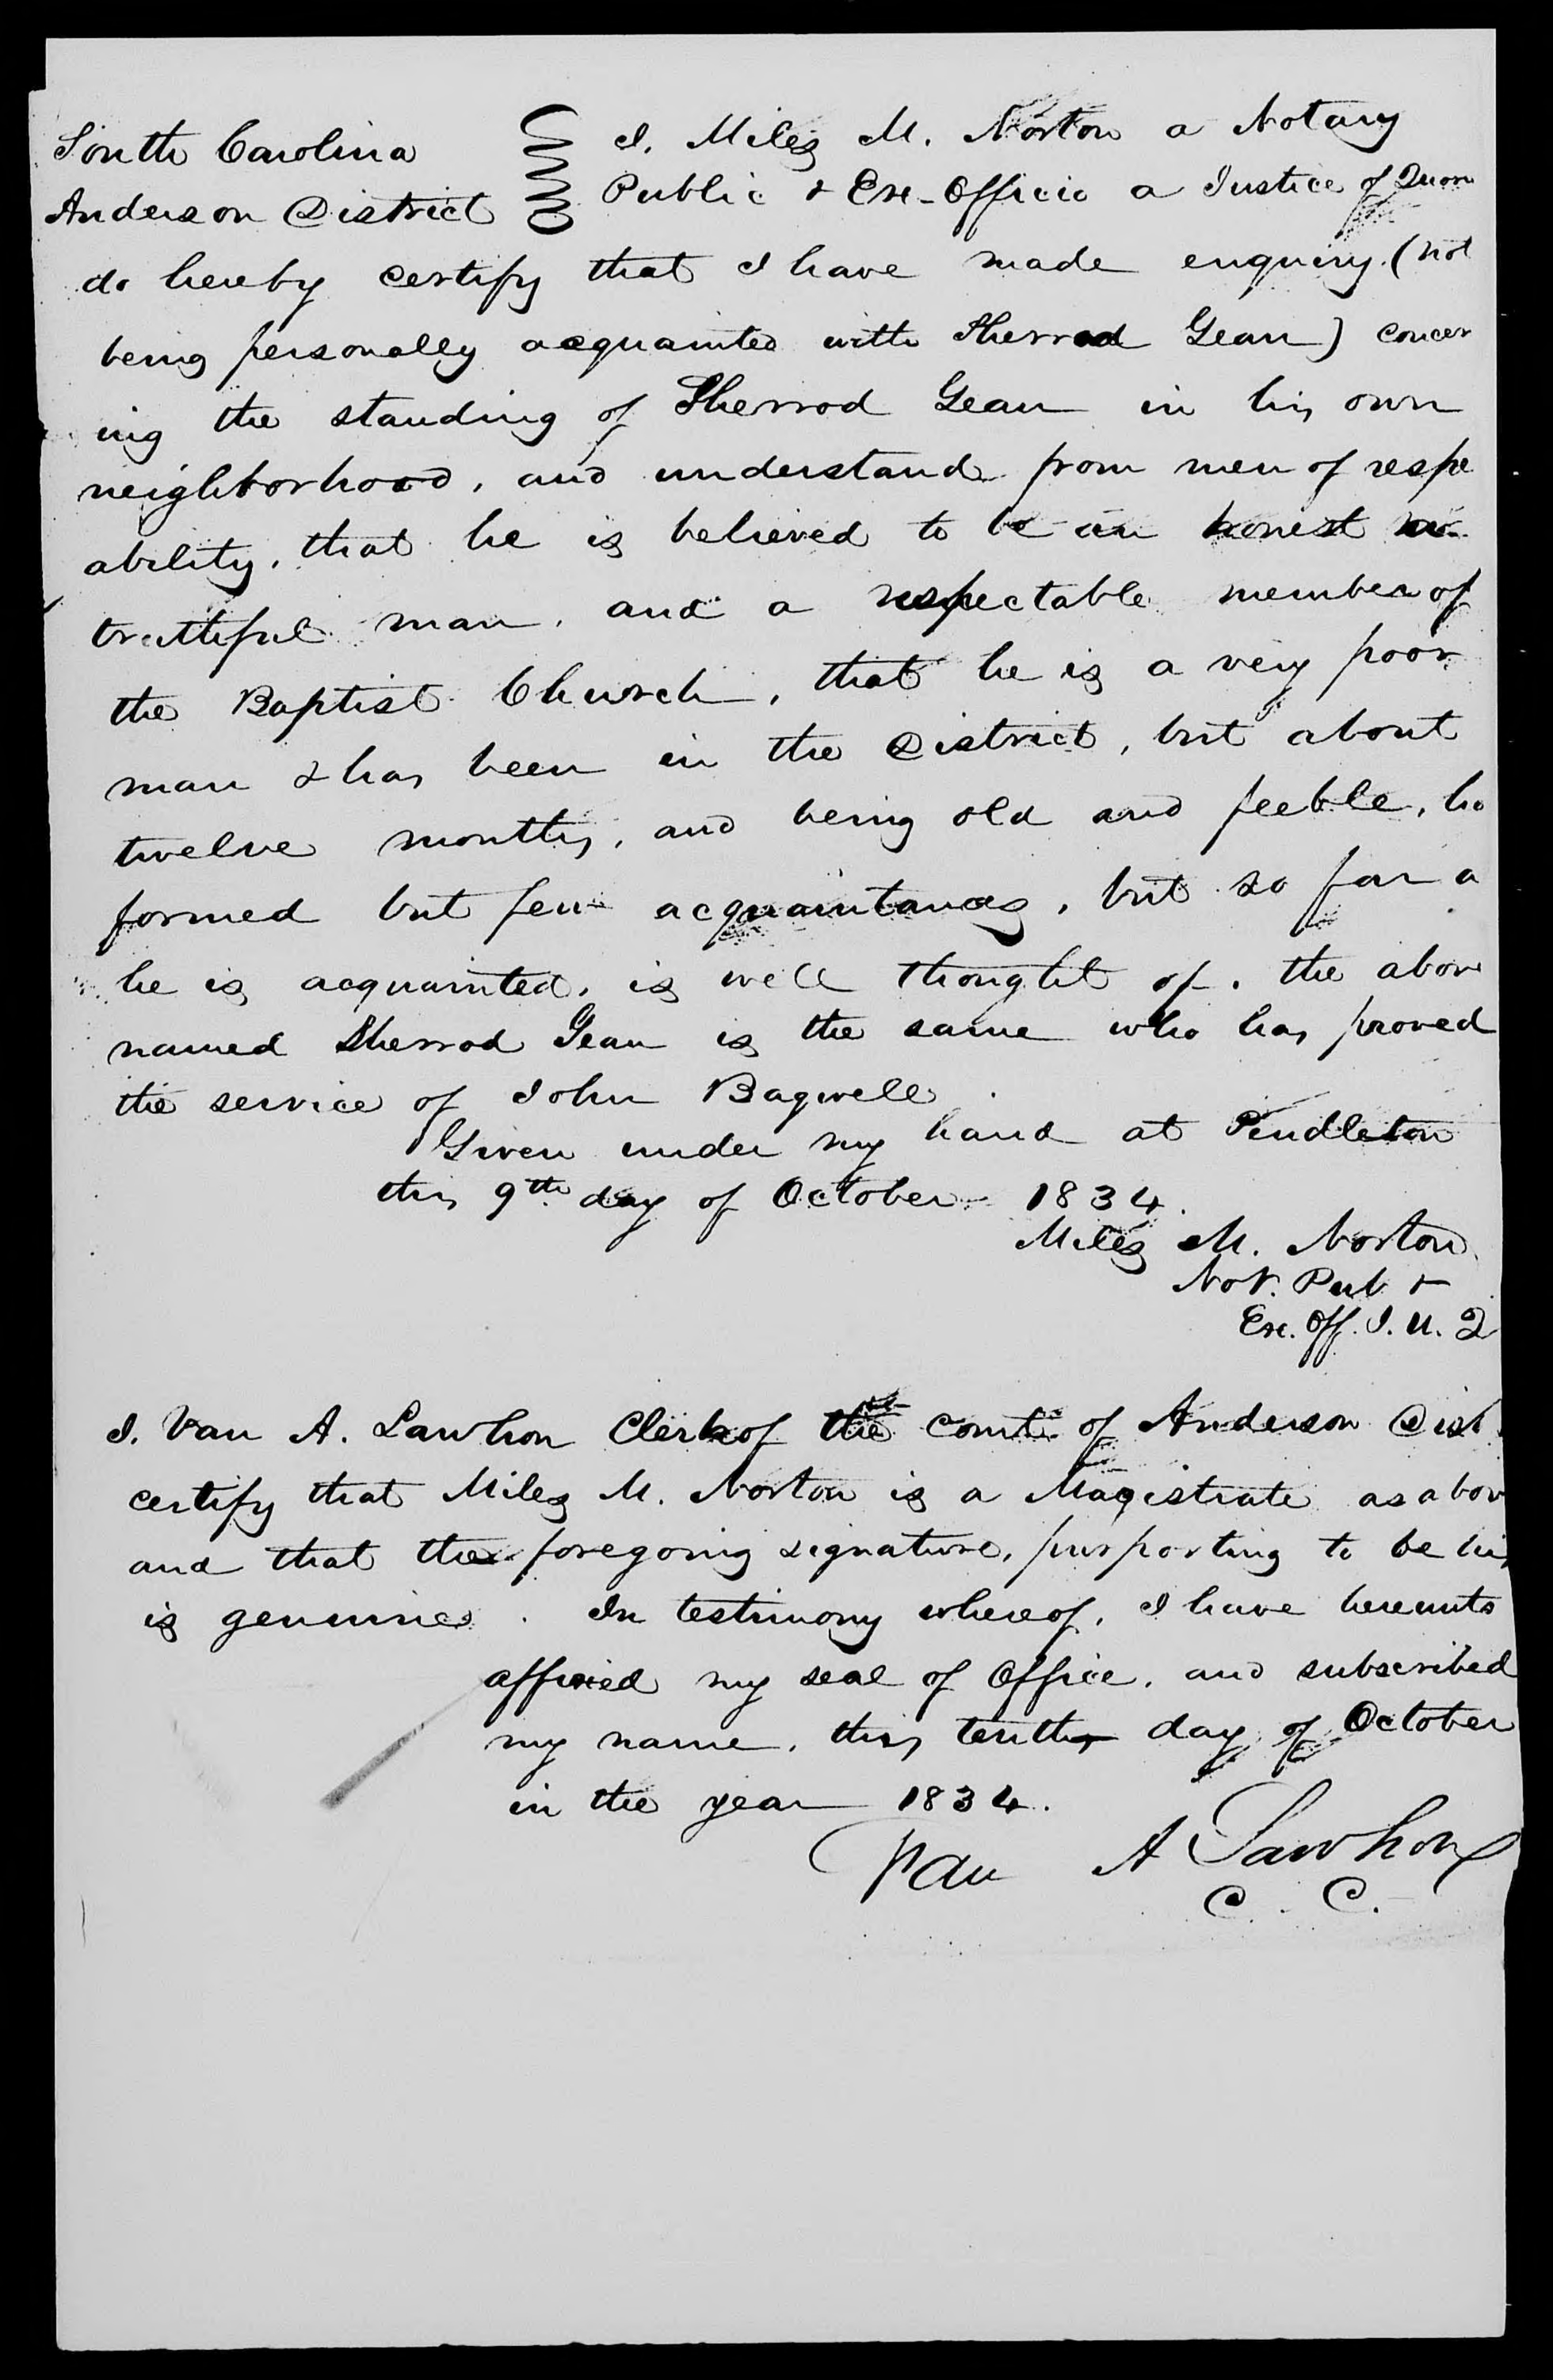South Carolina Anderson District
I, Miles M. Norton a Notary
Public & Ex Officio a Justice of quorum

do hereby certify that I have made enquiry (not
being personally acquainted with Sherrod Gear) concer
ing
the standing of Sherod Geon in his own
neighborhood, and understand from men of respectability.
that he is believed to be an honest
truthful man,
and a respectable member of
the Baptist Church

that he is a very poor man and has been in
the District, but about
twelve
months
and being old and feeble, have
formed
but few acquaintances, but so far 
he is acquainted, is well thought of the above
named Sherrod Gean is the same who has proved
the service of John Bagwell
Given under my
hand at Pendleton
this 9th day of October 1834
Miles M. Norton
Not. Pub
Ex. off. IUQ
I Van A. Lawhon Clerk of the Court of Anderson is
certify that Miles M. Norton is a Magistrate as above
and that the foregoing signature, purporting to be his
is genuine
In testimony whereof, I have hereunto
affixed my seal of office, and subscribed
my name,
this tenth day of October ┃
in the year 1834
an
Van A Lawhon CC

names: Sherrod Gean, Sherrod Gean, Miles M Norton, John Bagwell, Van A Lawhon, Miles M Norton, Van A Lawhon, Miles M Norton, Sherrod Gean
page: 18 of 36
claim: survivor's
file: S 6571, John Bagwell, N.C.